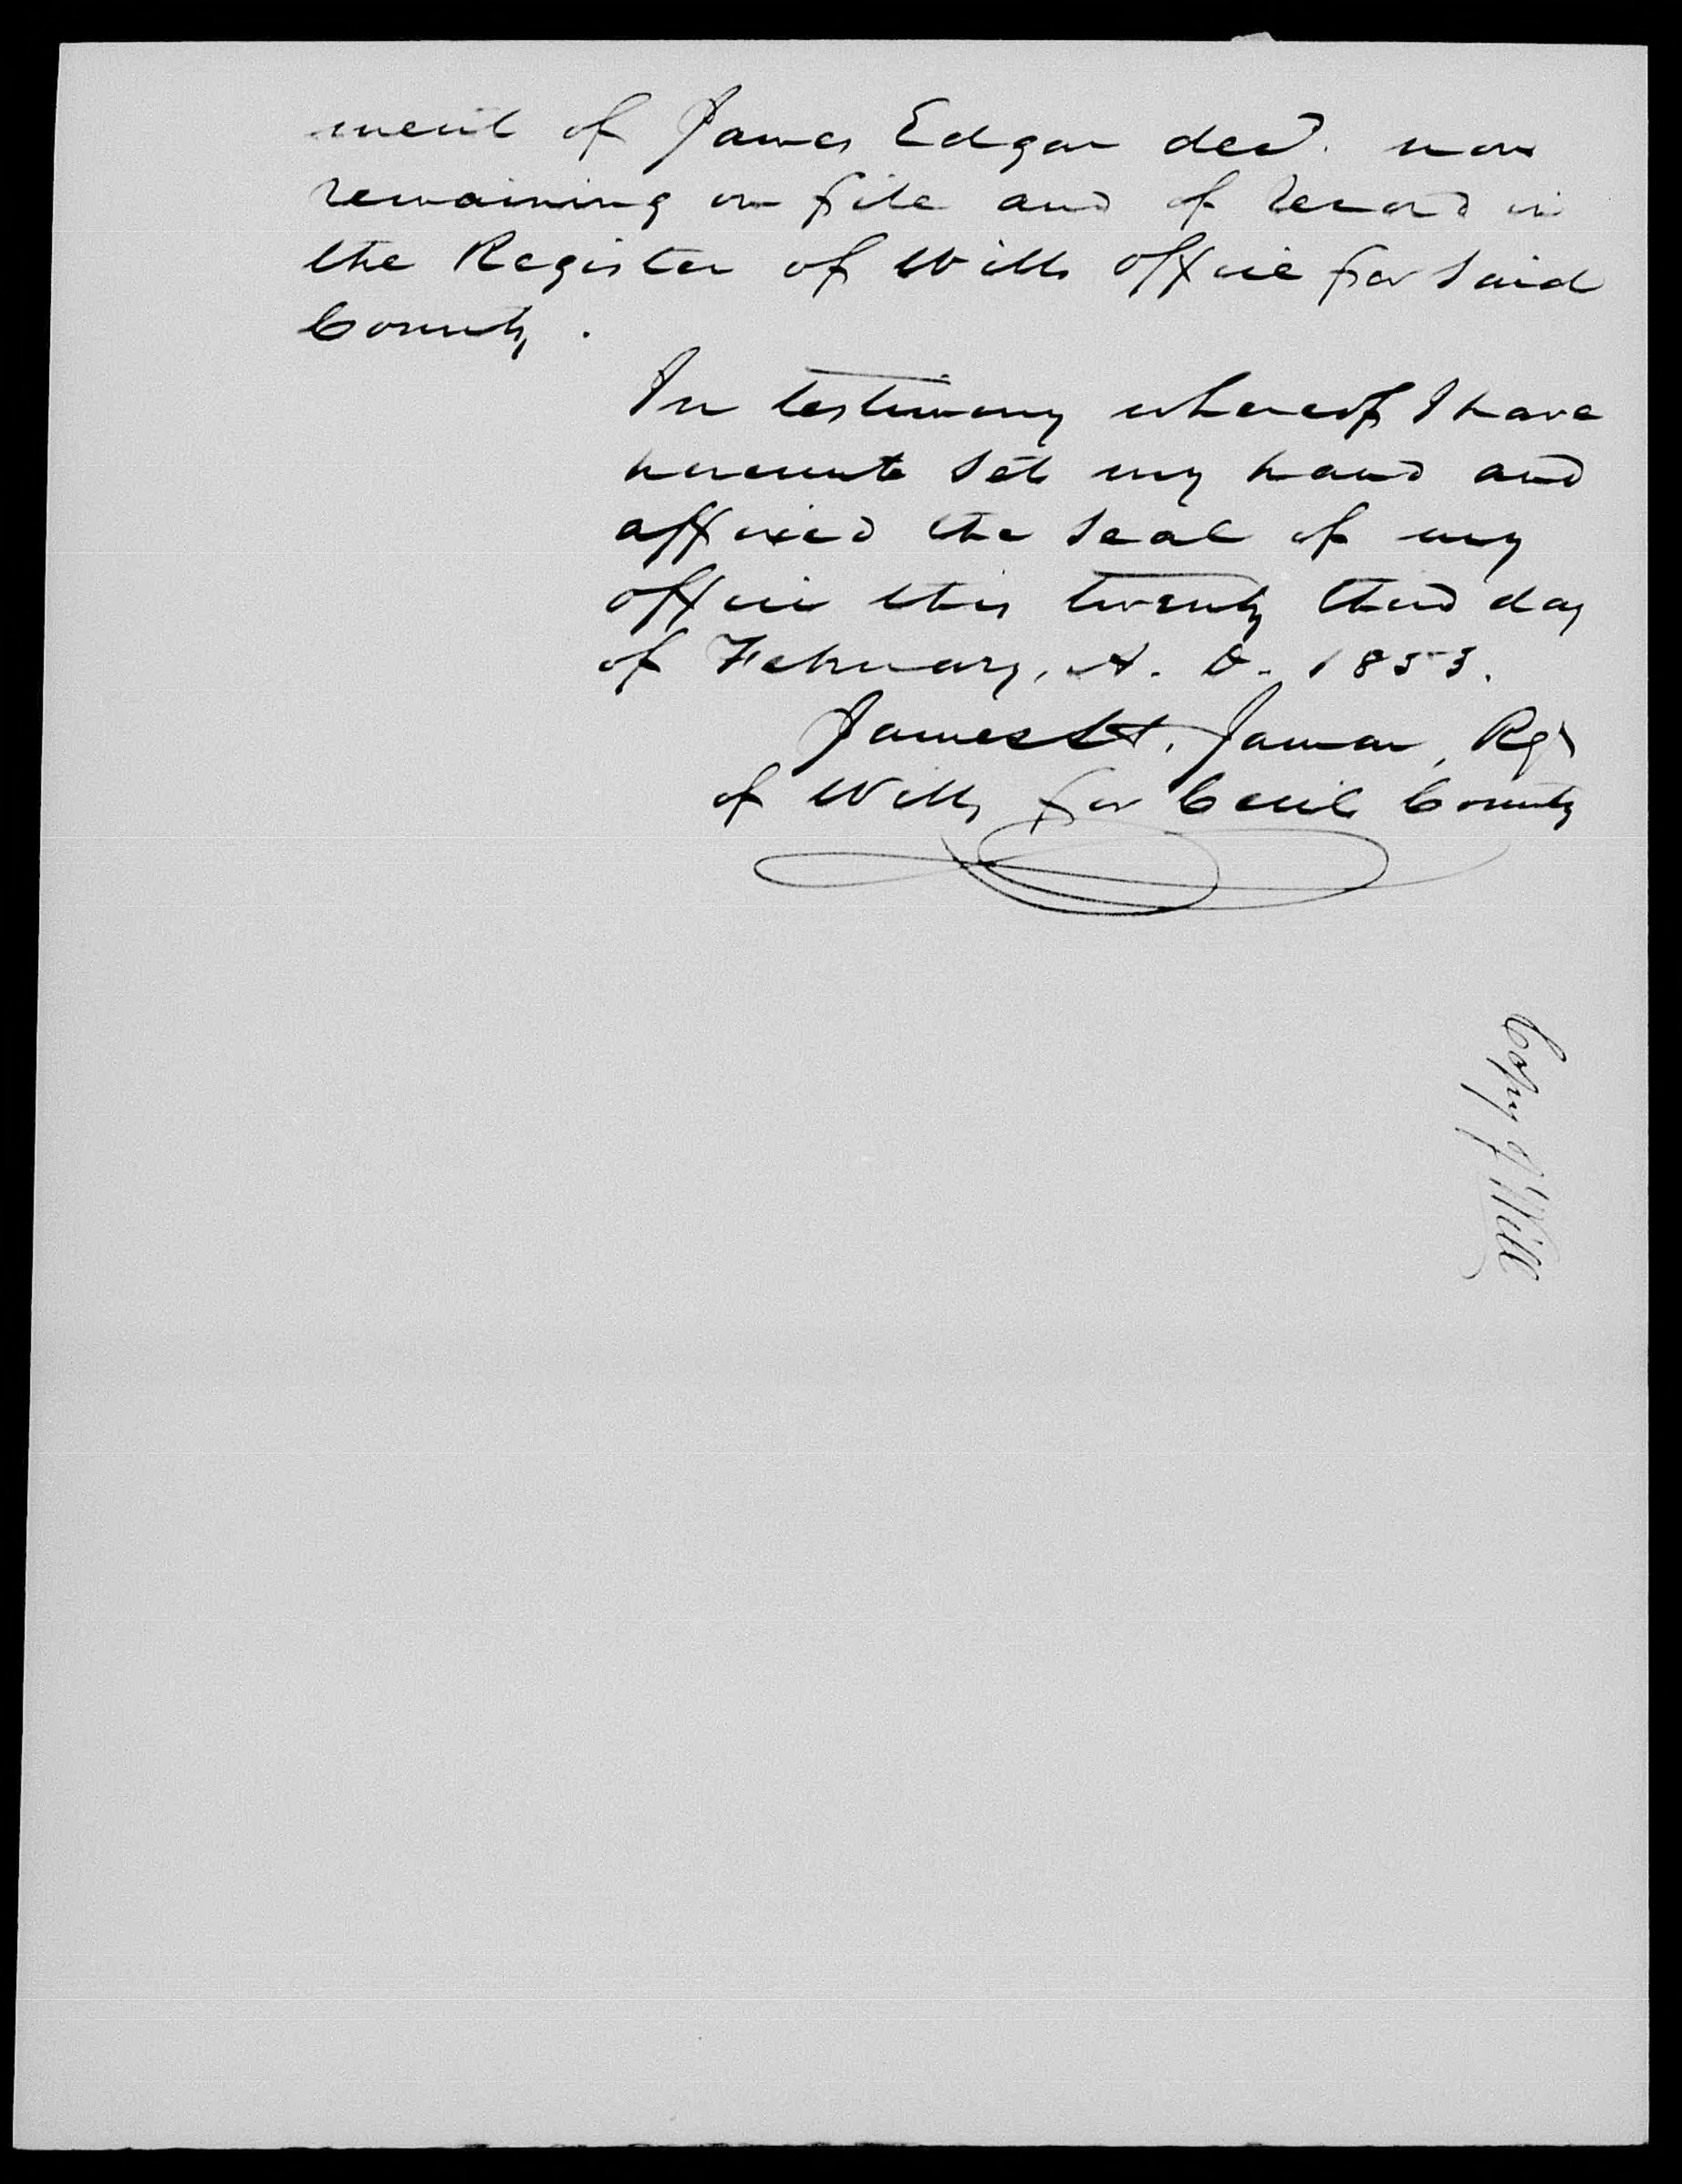ment of James Edgar dec, now
remaining on file and of record in
the Register of Wills office for said
County

In testimony whereof I have
hereunto set my hand and
affixed the seal of my
office this twenty third day
of February, A.D. 1853
James H Jamar, Reg
of Wills for Cecil County

Copy of Will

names: James H Jamar, James Edgar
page: 25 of 74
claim: widow's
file: W. 9422, James Edgar, Penn.